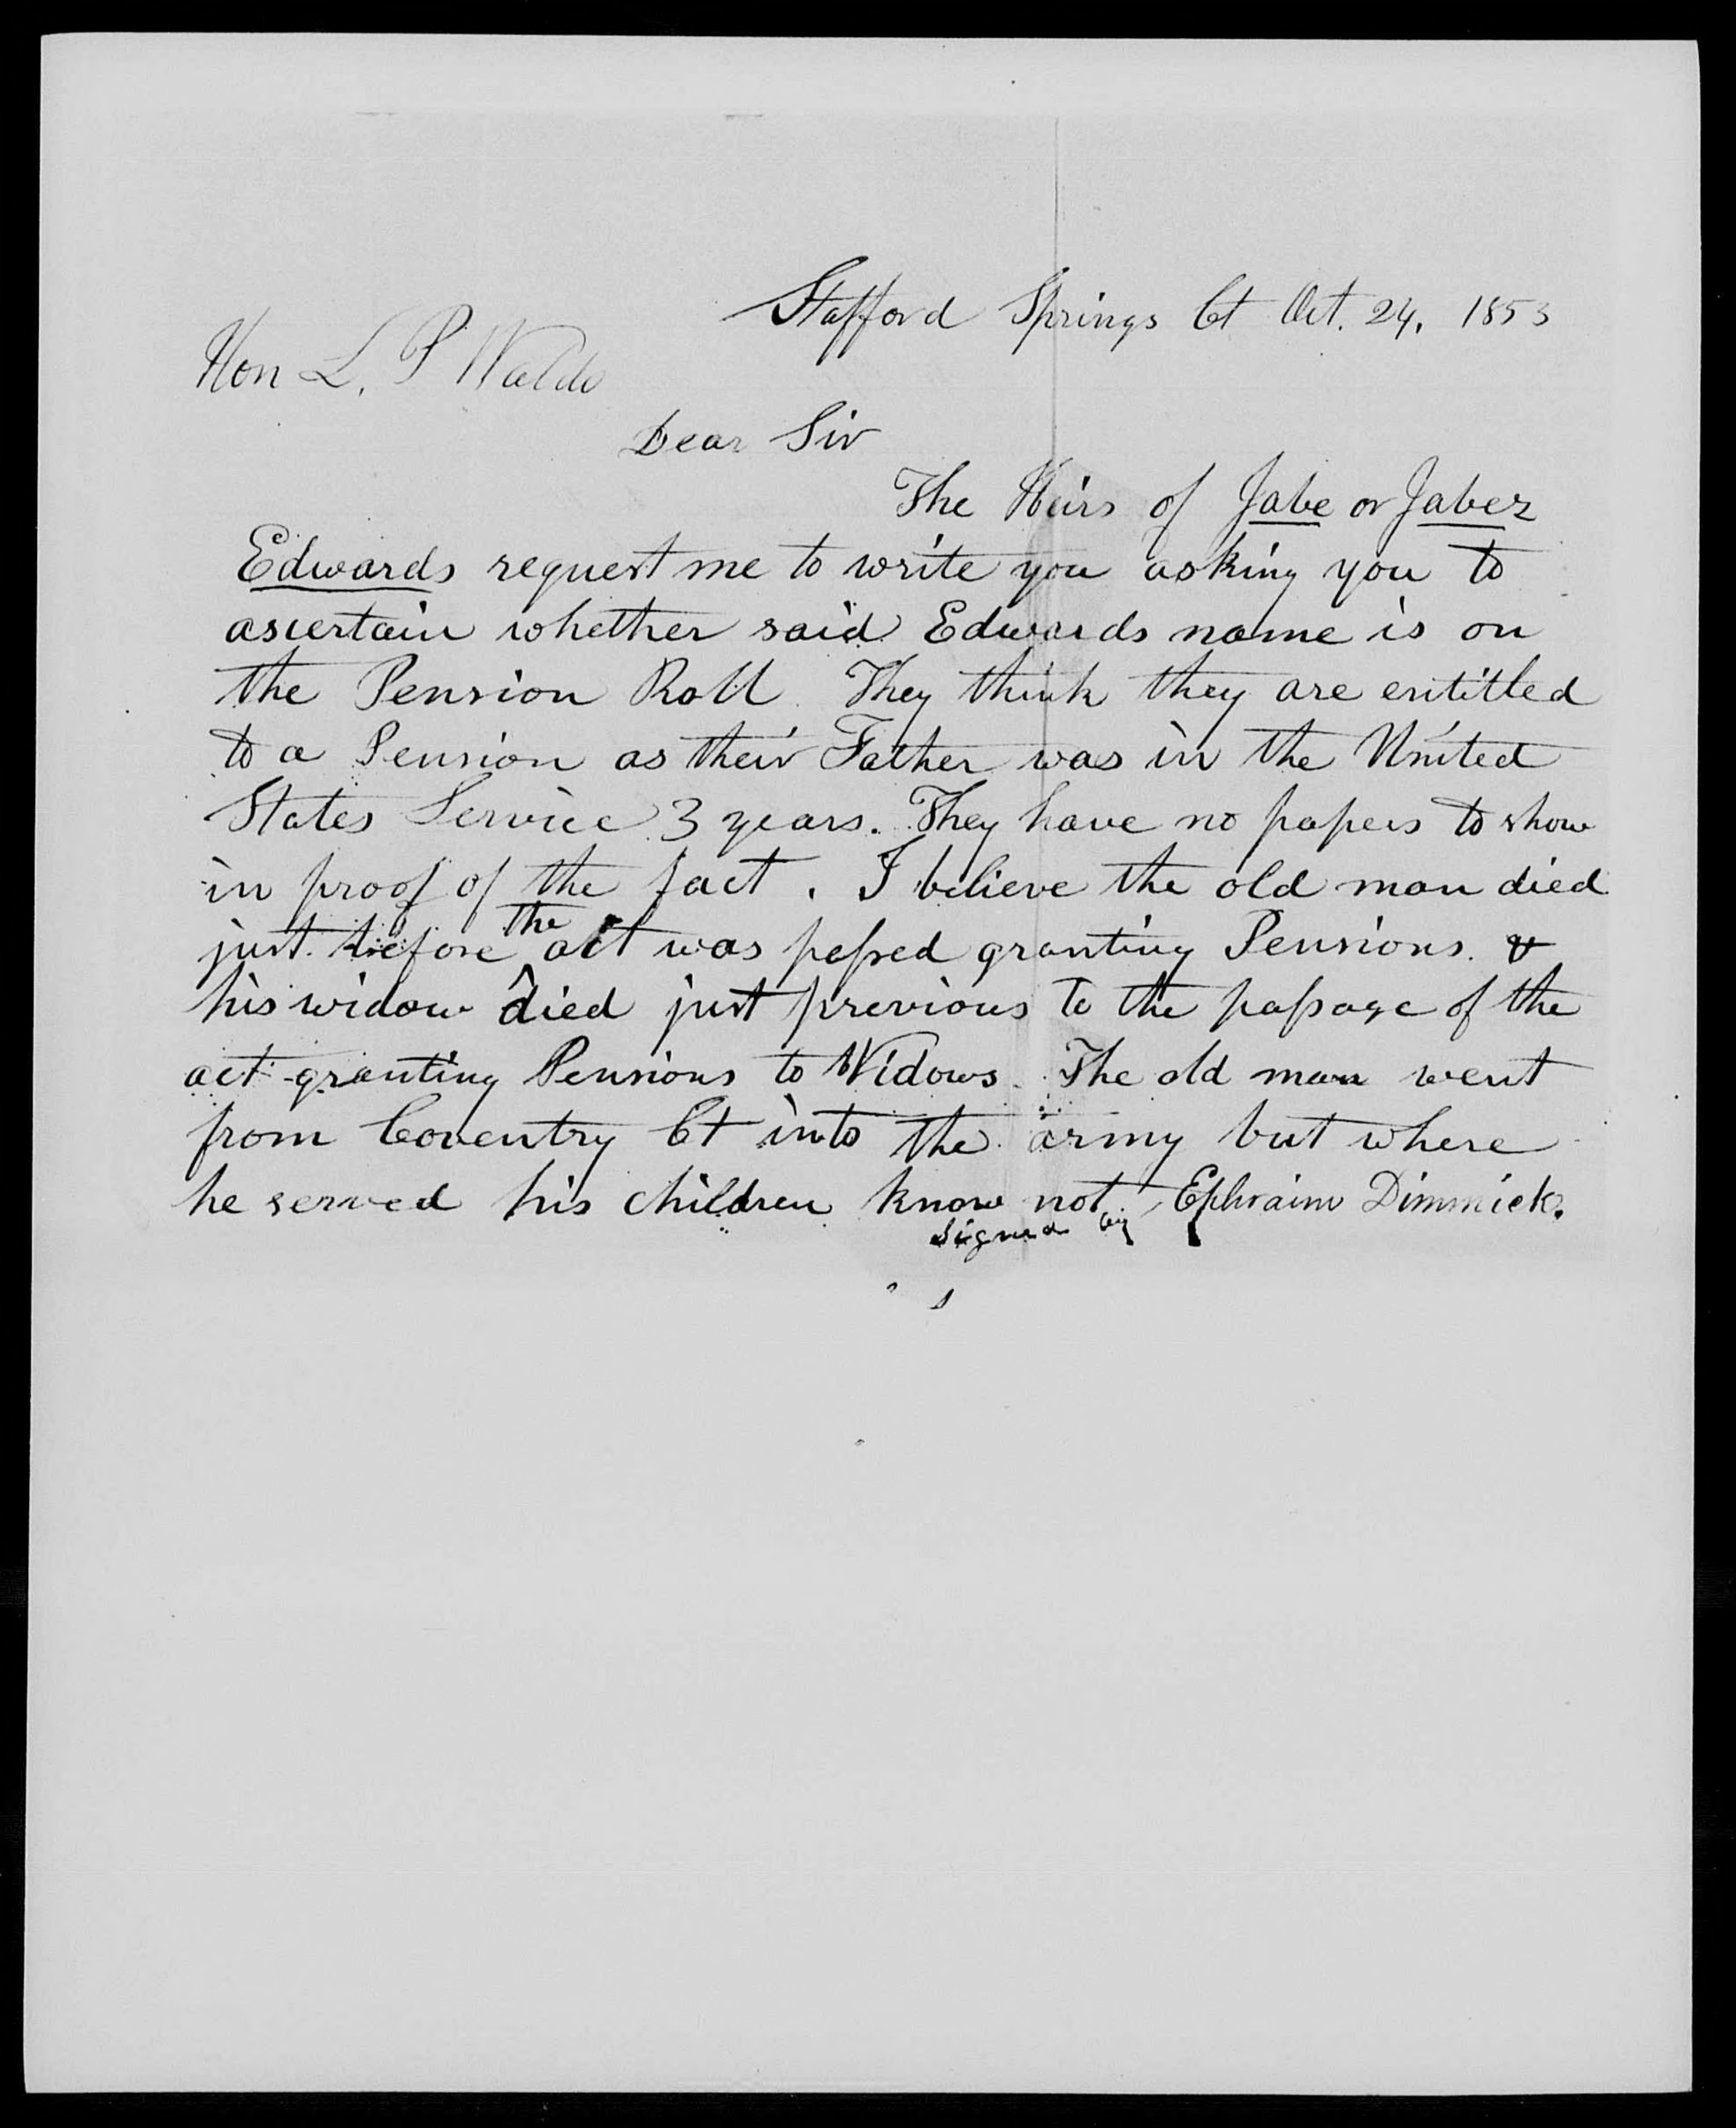Stafford Springs Ct.
Oct. 24, 1853
Hon. L. P. Waldo

Dear Sir

The heirs of Jabe or Jabez Edwards request me to write you asking you to ascertain whether said Edwards name is on the Pension Roll. They think they are entitled to a pension as their father was in the United States Service 3 years. They have no papers to show in proof of the fact. I believe the old man died just before the act was passed granting pensions & his widow died just previous to the passage of the act granting pensions to widows. The old man went from Coventry Ct. into the army but where he served his children know not.

Signed by
Ephraim Dimmick.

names: Ephraim Dimmick, L P Waldo, Jabe Edwards, Jabez Edwards, Edwards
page: 29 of 50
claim: survivor's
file: S 10607, Jabez Edwards, Conn.